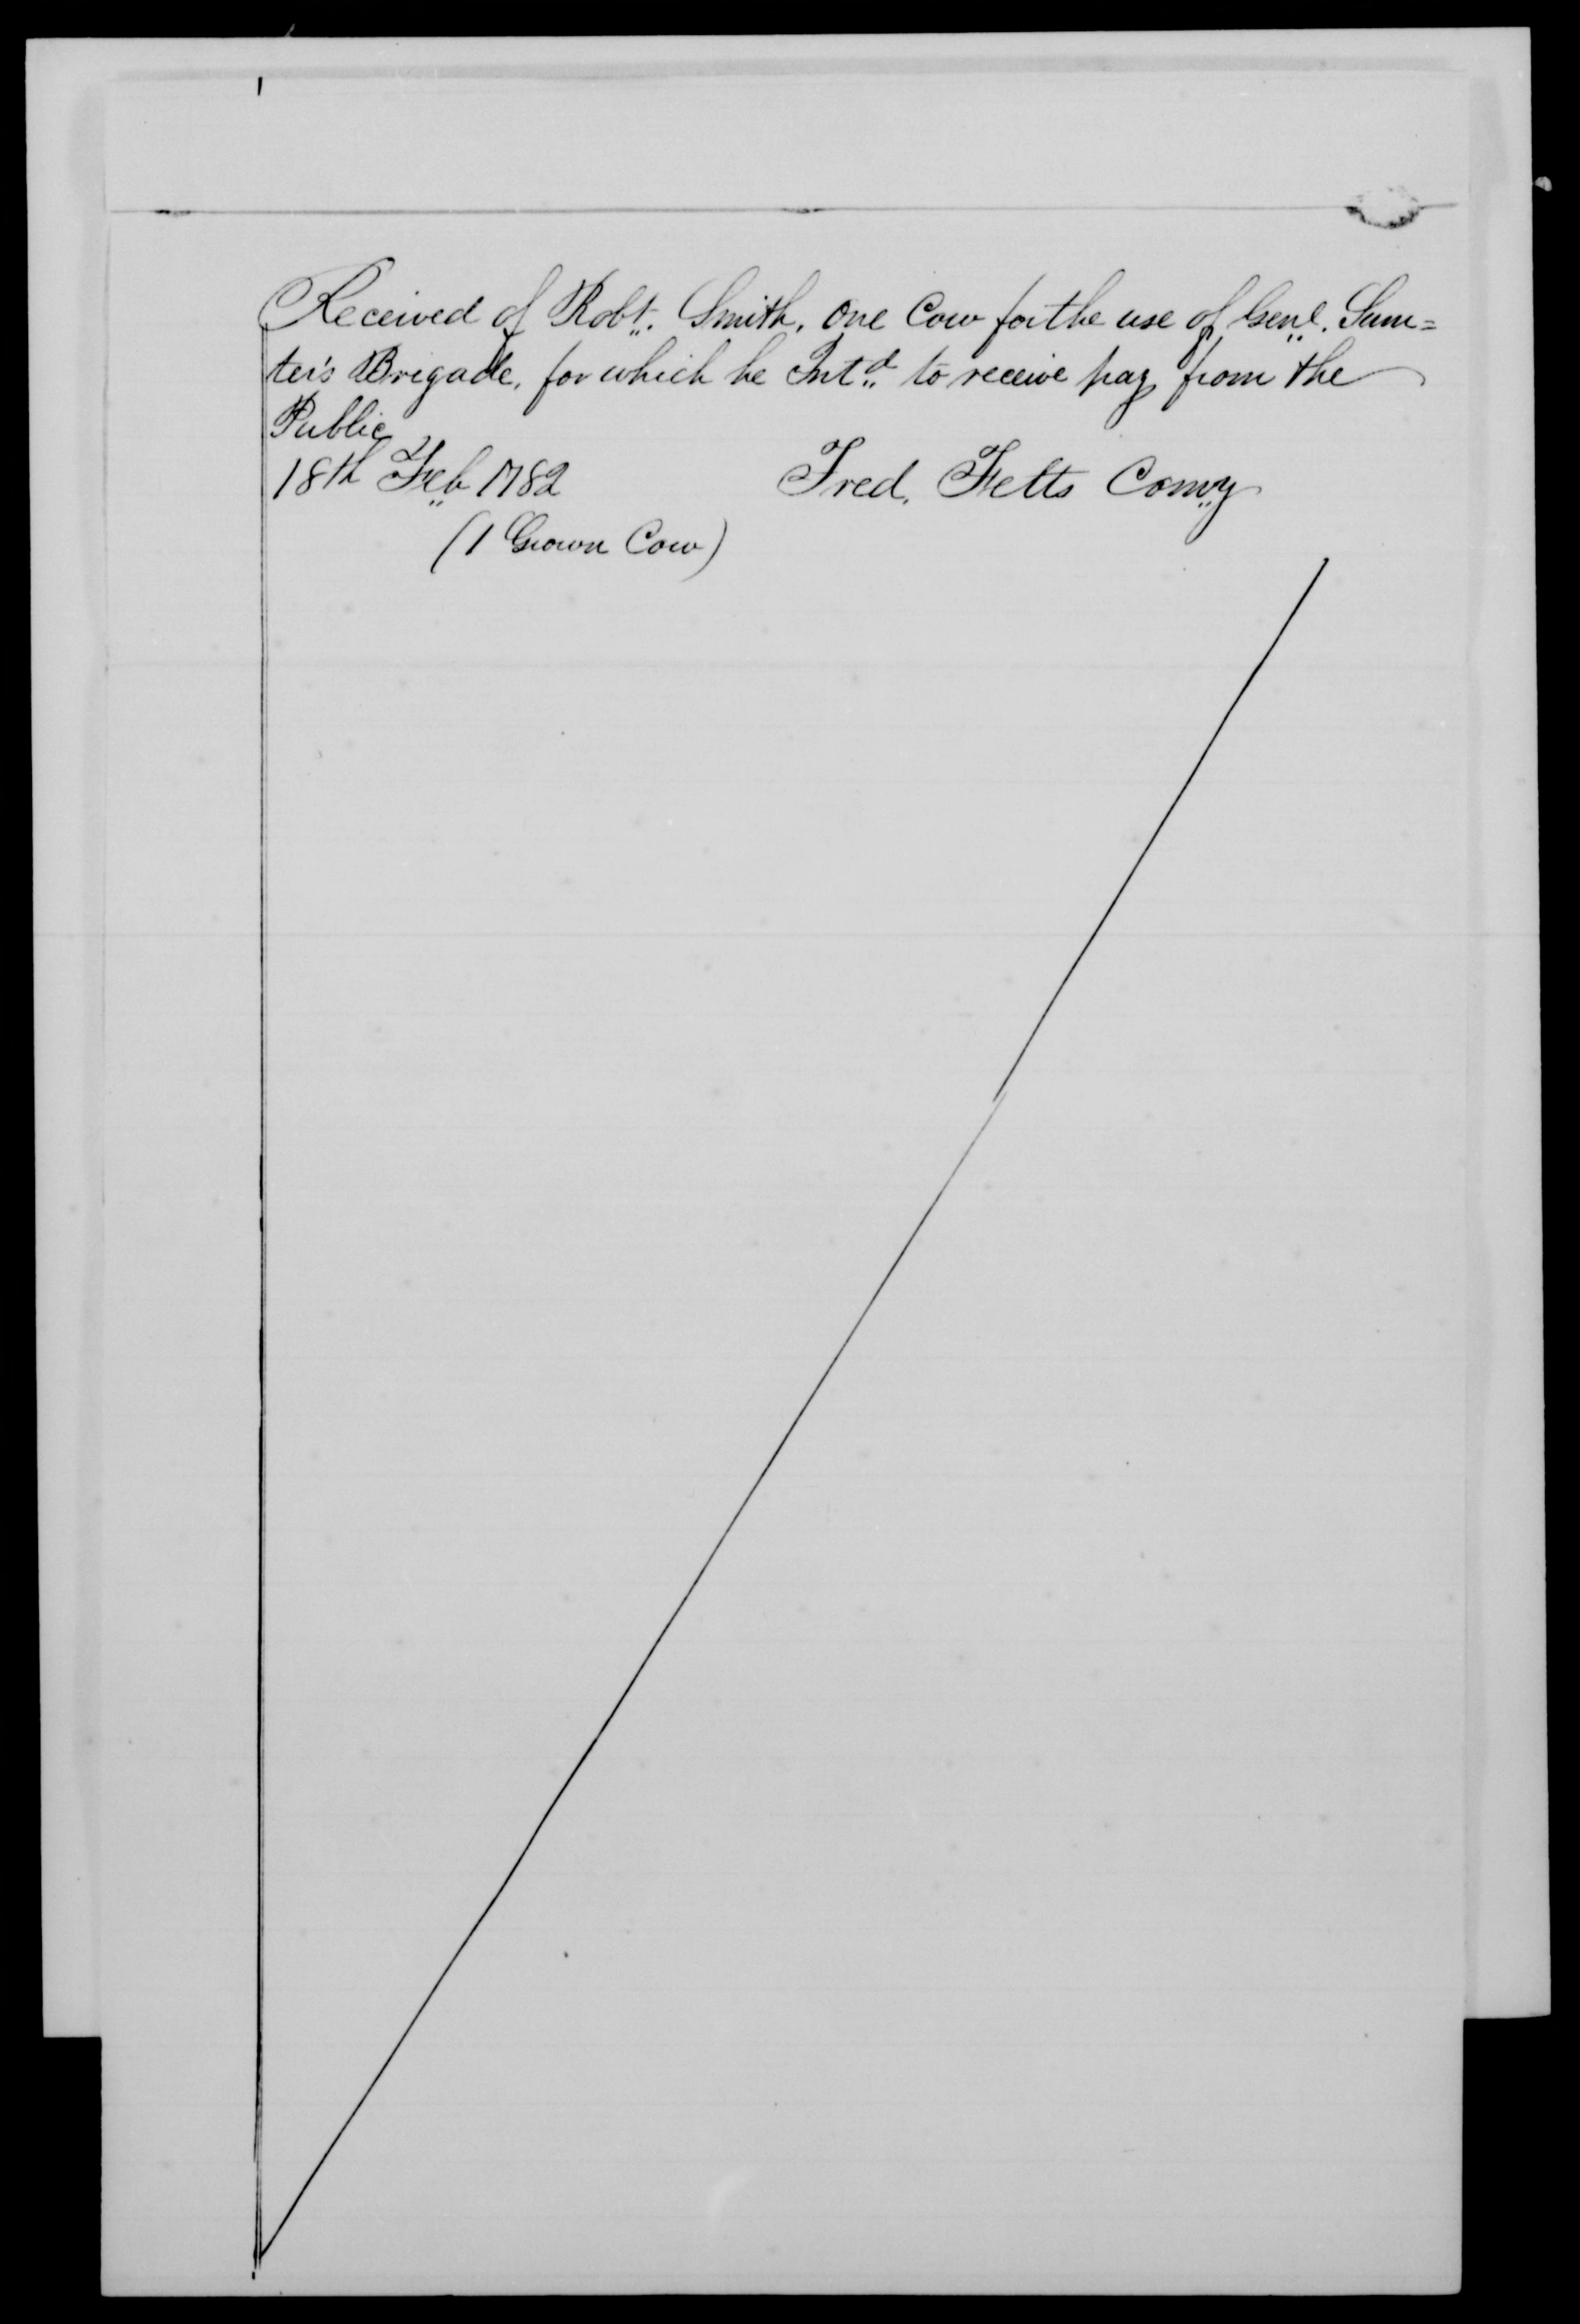Received of Robt Smith, one cow for the use of Genl Sumter's Brigade, for which he Int'd to receive pay from the public.

18th Feb 1782 (1 brown cow)

Fred Fetts, Convy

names: Fred Felts; Robt Smith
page: 16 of 28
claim: rejected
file: R. 9744, for Robert Smith, South Carolina